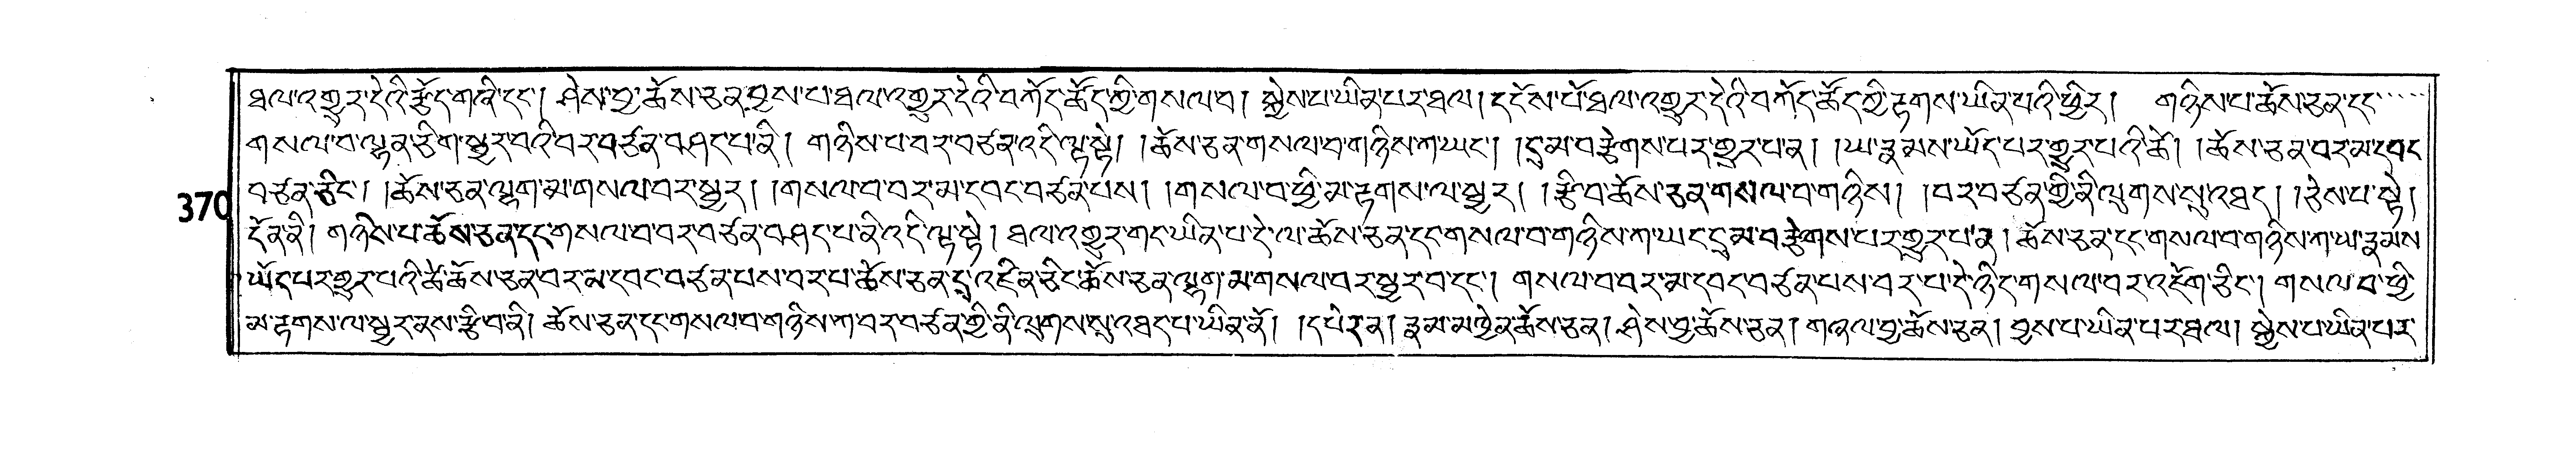ཐལ་འགྱུར་དེའི་རྩོད་གཞི་དང་། ཤེས་བྱ་ཆོས་ཅན་བྱས་པ་ཐལ་འགྱུར་དེའི་བཀོད་ཚོད་ཀྱི་གསལ་བ། སྐྱེས་པ་ཡིན་པར་ཐལ། དངོས་པོ་ཐལ་འགྱུར་དེའི་བཀོད་ཚོད་ཀྱི་རྟགས་ཡིན་པའི་ཕྱིར། གཉིས་པ་ཆོས་ཅན་དང་
གསལ་བ་ལྷན་ཅིག་སྦྱར་བའི་བར་བཙན་བཤད་པ་ནི། གཉིས་པ་བར་བཙན་འདི་ལྟ་སྟེ། །ཆོས་ཅན་གསལ་བ་གཉིས་ཀ་ཡང་། །དུ་མ་བརྩེགས་པར་གྱུར་པ་ན། །ཡ་རྣམས་ཡོད་པར་གྱུར་པའི་ཚེ། །ཆོས་ཅན་བར་མ་དབང་
བཙན་ཅིང་། །ཆོས་ཅན་ལྷག་མ་གསལ་བར་སྦྱར། །གསལ་བ་བར་མ་དབང་བཙན་པས། །གསལ་བ་ཕྱི་མ་རྟགས་ལ་སྦྱར། །རྩི་བ་ཆོས་ཅན་གསལ་བ་གཉིས། །བར་བཙན་གྱི་ནི་ལུགས་སུ་འཐད། །ཅེས་པ་སྟེ།
དོན་ནི། གཉིས་པ་ཆོས་ཅན་དང་གསལ་བ་བར་བཙན་བཤད་པ་ནི་འདི་ལྟ་སྟེ། ཐལ་འགྱུར་གང་ཡིན་པ་དེ་ལ་ཆོས་ཅན་དང་གསལ་བ་གཉིས་ཀ་ཡང་དུ་མ་བརྩེགས་པར་གྱུར་པ་ན། ཆོས་ཅན་དང་གསལ་བ་གཉིས་ཀ་ཡ་རྣམས་
ཡོད་པར་གྱུར་པའི་ཚེ་ཆོས་ཅན་བར་མ་དབང་བཙན་པས་བར་པ་ཆོས་ཅན་དྲ་འཛིན་ཅིང་ཆོས་ཅན་ལྷག་མ་གསལ་བར་སྦྱར་བ་དང་། གསལ་བ་བར་མ་དབང་བཙན་པས་བར་པ་དེ་ཉིད་གསལ་བར་འཇོག་ཅིང་། གསལ་བ་ཕྱི་
མ་རྟགས་ལ་སྦྱར་ནས་རྩི་བ་ནི། ཆོས་ཅན་དང་གསལ་བ་གཉིས་ཀ་བར་བཙན་གྱི་ནི་ལུགས་སུ་འཐད་པ་ཡིན་ནོ། །དཔེར་ན། རྣམ་མཁྱེན་ཆོས་ཅན། ཤེས་བྱ་ཆོས་ཅན། གཞལ་བྱ་ཆོས་ཅན། བྱས་པ་ཡིན་པར་ཐལ། སྐྱེས་པ་ཡིན་པར་